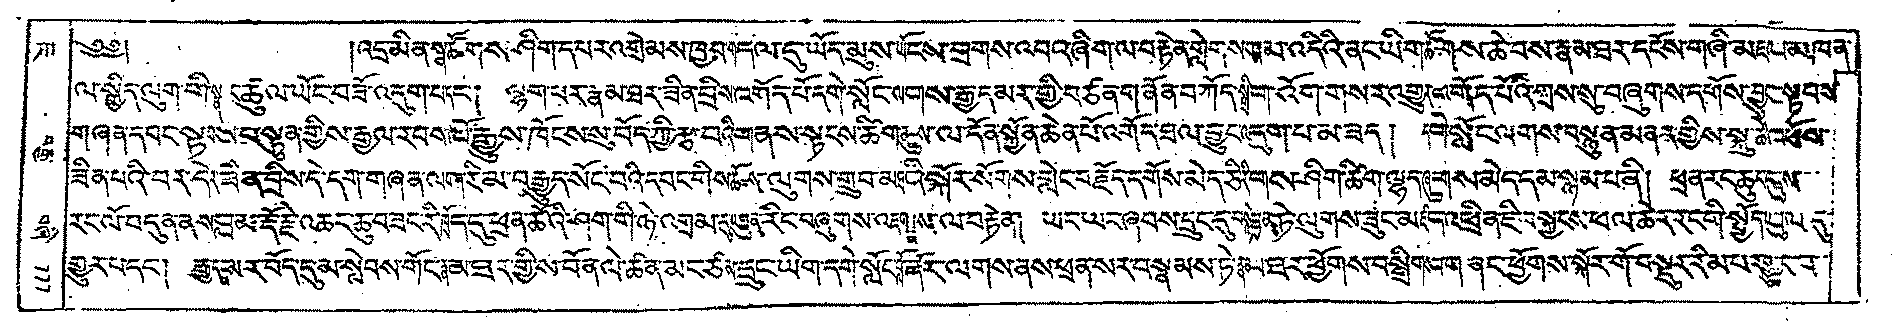༄༅། །འདྲ་མིན་སྣ་ཚོགས་ཤིག་དཔར་འགྲེམས་ཁྱབ་གདལ་དུ་ཡོད་མུས་ཡོངས་གྲགས་འབའ་ཞིག་ལ་བརྟེན་གླེགས་བམ་འདིའི་ནང་ཡིག་ཚོགས་ཆེ་བས་རྣམ་ཐར་དངོས་གཞི་མཇལ་མཁན་
ལ་སྒྱིད་ལུག་གི་སྣང་ཚུལ་ཡོང་བཟོ་འདུག་པ་དང་། ལྷག་པར་རྣམ་ཐར་ཟིན་བྲིས་འགོད་པོ་དགེ་སློང་ལགས་རྒྱ་དམར་གྱི་བཙན་གནོན་བཀོད་སྒྲིག་འོག་གསར་འགྱུར་འགོད་པོའི་གྲས་སུ་བཞུགས་དགོས་བྱུང་སྟབས་
གཞན་དབང་སྟབས་བསྟུན་གྱིས་རྒྱལ་རབས་ལོ་རྒྱུས་ཁོངས་སུ་བོད་ཀྱི་རྩ་བའི་གནས་སྟངས་ཚིག་ནུས་ལ་དོན་སྐྱོན་ཆེན་པོ་འགོད་ཐལ་བྱུང་འདུག་པ་མ་ཟད། དགེ་སློང་ལགས་བསྙུན་མནར་གྱིས་སྐུ་ཚེ་འཕོས་
ཟིན་པའི་བར་དེར་ཟིན་བྲིས་དེ་དག་གཞན་ལག་རིམ་བརྒྱུད་སོང་བའི་དབང་གིས་ཆོས་ལུགས་གྲུབ་མཐའི་སྐོར་སོགས་གླེང་བརྗོད་དགོས་མེད་ཅི་རིགས་ཤིག་ཚིག་ལྷད་ཞུགས་མེད་དམ་སྙམ་པ་ནི། ཕྲན་རང་ཆུང་དུས་
རང་ལོ་བདུན་ནས་བླ་མ་རྡོ་རྗེ་འཆང་ཆུ་བཟང་རི་ཁྲོད་དུ་ཕྲན་ཚོའི་ཤག་གི་ཉེ་འགྲམ་དུ་ཡུན་རིང་བཞུགས་འཇགས་ལ་བརྟེན། ཡང་ཡང་ཞབས་དྲུང་དུ་བསྙེན་ཏེ་ལུགས་ཟུང་མཛད་འཕྲིན་ཇི་བསྐྱངས་ཕལ་ཆེར་རང་གི་སྤྱོད་ཡུལ་དུ་
གྱུར་པ་དང་། རྒྱ་དམར་བོད་དུ་མ་སླེབས་གོང་རྣམ་ཐར་གྱི་ས་བོན་ལེ་ཚན་མང་ཙམ་དྲུང་ཡིག་དགེ་སློང་བློ་རྡོར་ལགས་ནས་ཕྲན་སར་བསྣམས་ཏེ་རྣམ་ཐར་ཕྱོགས་བསྒྲིགས་གནང་ཕྱོགས་སྐོར་གོ་བསྡུར་རིམ་པར་བྱུང་བ་